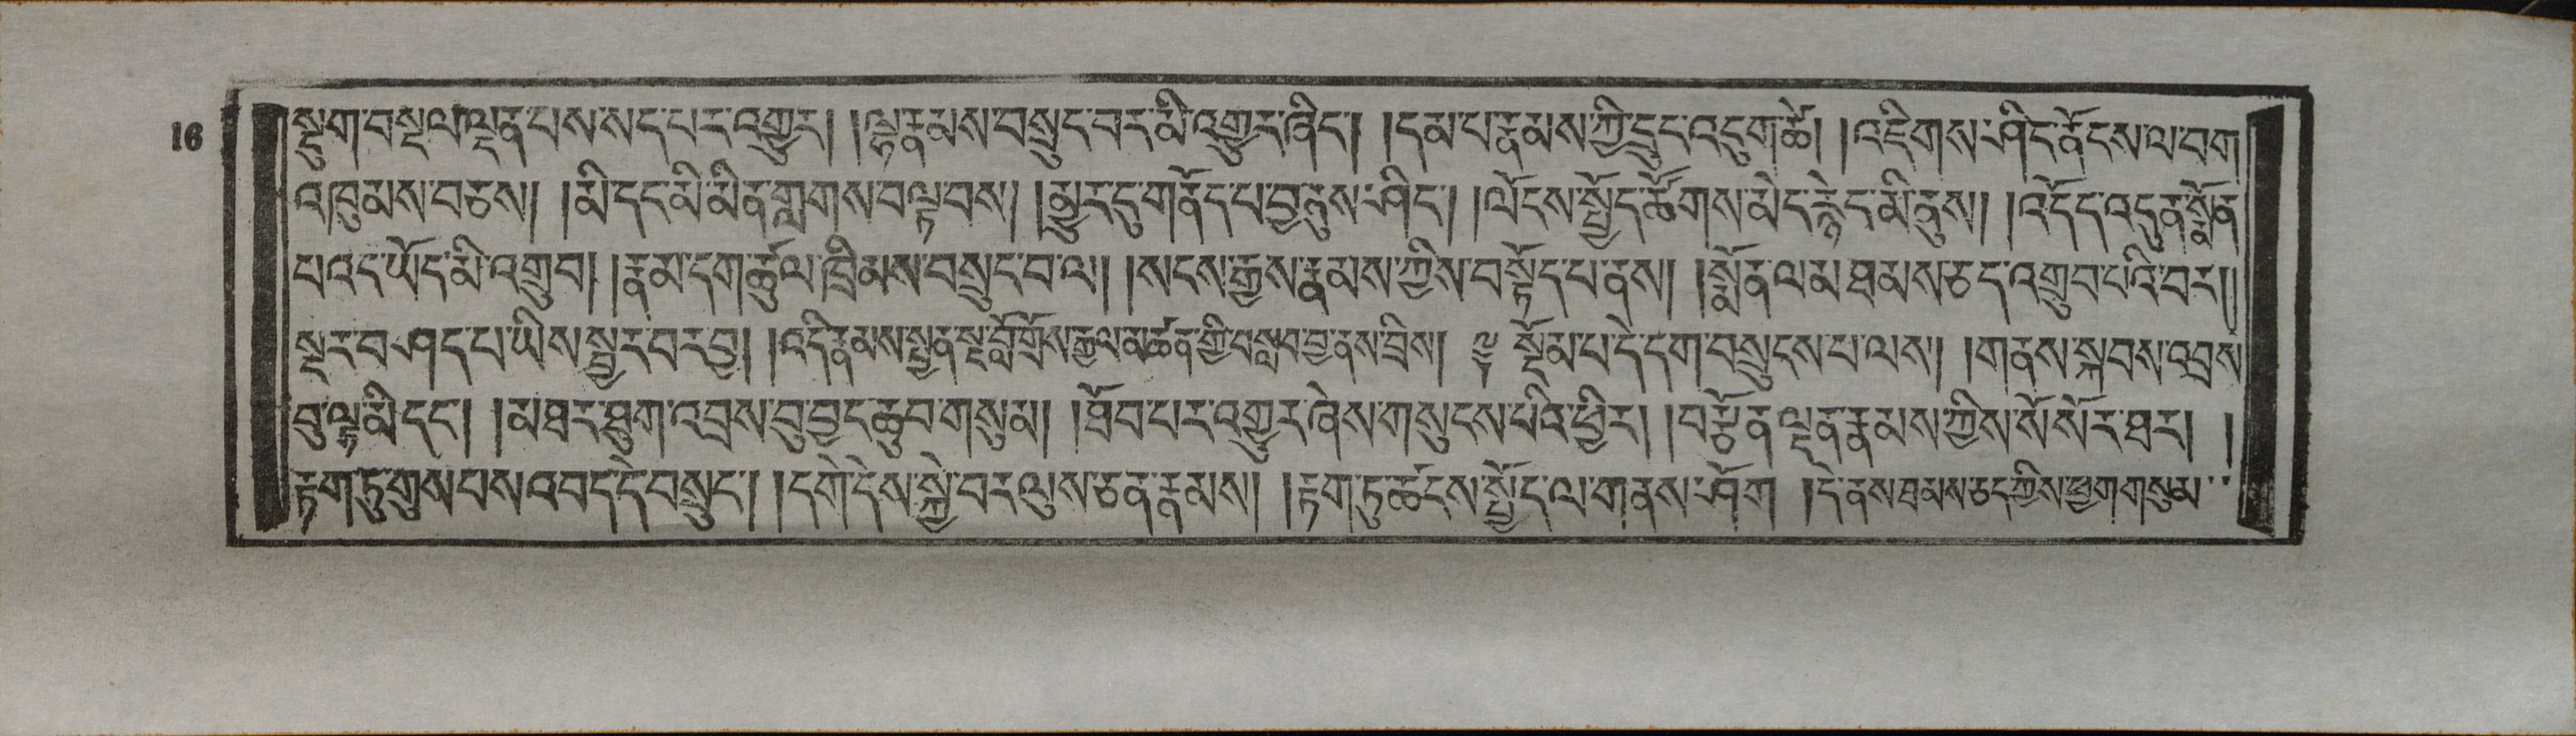སྡུག་བསྔལ་ལྡན་པས་སད་པར་འགྱུར། །ལྷ་རྣམས་བསྲུང་བར་མི་འགྱུར་ཞིང་། །དམ་པ་རྣམས་ཀྱི་དྲུང་འདུག་ཚེ། །འཇིགས་ཤིང་ནོངས་ལ་བག་
འཁུམས་བཅས། །མི་དང་མི་མིན་གླགས་བལྟ་བས། །མྱུར་དུ་གནོད་པ་བྱ་ནུས་ཤིང་། །ལོངས་སྤྱོད་ཚོགས་མེད་རྙེད་མི་ནུས། །འདོད་འདུན་སྨོན་
པའང་ཡོད་མི་འགྲུབ། །རྣམ་དག་ཚུལ་ཁྲིམས་བསྲུང་བ་ལ། །སངས་རྒྱས་རྣམས་ཀྱིས་བསྟོད་པ་ནས། །སྨོན་ལམ་ཐམས་ཅད་འགྲུབ་པའི་པར། །
སྔར་བཤད་པ་ཡིས་སྦྱར་བར་བྱ། ། འདི་རྣམས་སྤྱན་སྔ་བློ་གྲོས་རྒྱལ་མཚན་གྱི་བསླབ་བྱ་ནས་བྲིས།  ༈ སྡོམ་པ་དེ་དག་བསྲུངས་པ་ལས། །གནས་སྐབས་འབྲས་
བུ་ལྷ་མི་དང་། །མཐར་ཐུག་འབྲས་བུ་བྱང་ཆུབ་གསུམ། །ཐོབ་པར་འགྱུར་ཞེས་གསུངས་པའི་ཕྱིར། །བརྩོན་ལྡན་རྣམས་ཀྱིས་སོ་སོར་ཐར། །
རྟག་ཏུ་གུས་པས་འབད་དེ་བསྲུང་། །དགེ་དེས་སྐྱེ་བར་ལུས་ཅན་རྣམས། །རྟག་ཏུ་ཚངས་སྤྱོད་ལ་གནས་ཤོག །དེ་ནས་ཐམས་ཅད་ཀྱིས་ཕྱག་གསུམ་